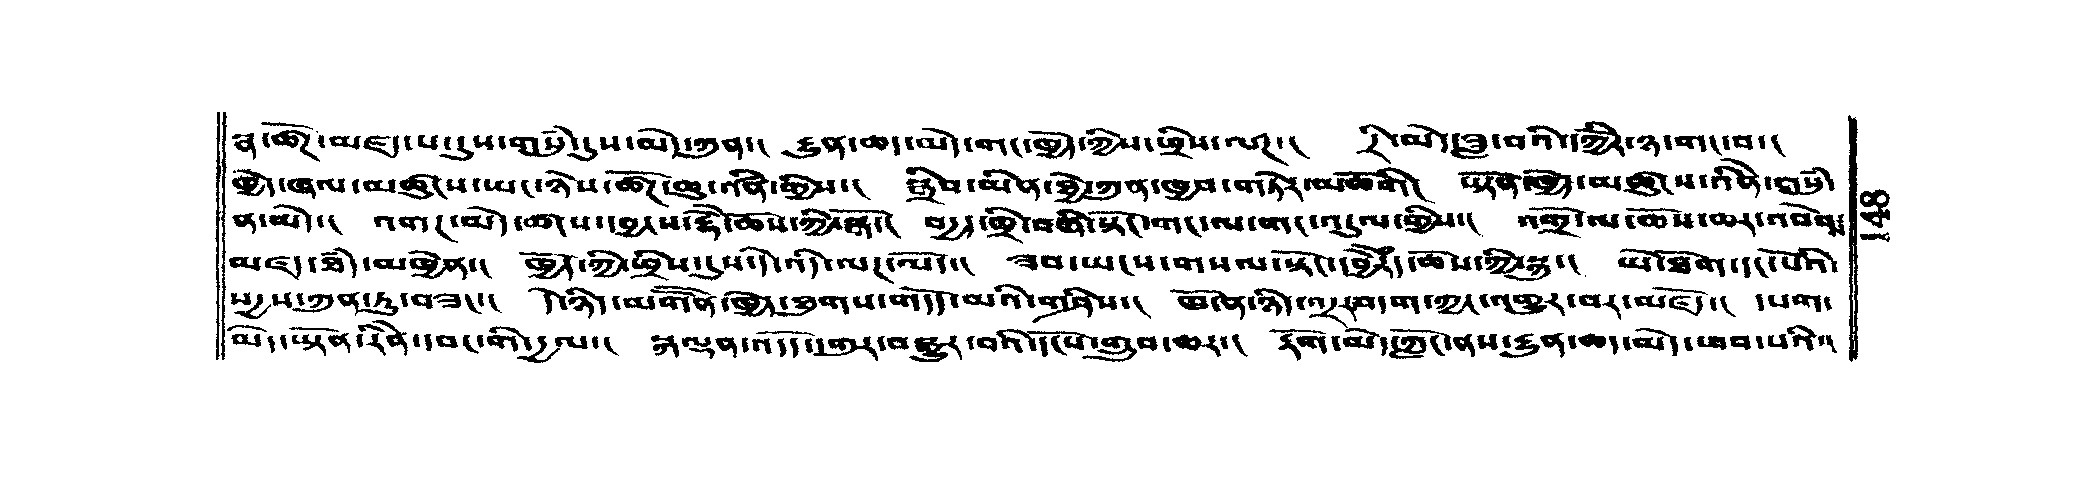།སྣ་ཚོགས་མཛད་པ་དུས་གསུམ་དུས་མེད་ཀུན། །རྒྱུན་ཆད་མེད་གང་ཁྱོད་ཀྱིས་ཕྲིན་ལས་ལགས། །དྲི་མེད་ཟླ་བའི་དཀྱིལ་འཁོར་ཉ་གང་བ། །
ཁྱེད་ཞལ་མཚུངས་ཡང་ཉེས་ཚོགས་ཆུ་འཛིན་གྱིས། །སྒྲིབ་མིན་ཐུགས་རྗེ་ཀུན་ཁྱབ་གཏེར་མཆོག་གི །ཡོན་ཏན་ཁྱོད་མཚུངས་འཇིག་རྟེན་གསུམ་
ན་མེད། །འགགས་མེད་ཚངས་དབྱངས་རྡོ་རྗེ་ཆོས་ཀྱི་སྒོ། །བརྒྱད་ཁྲི་བཞི་སྟོང་གང་ལ་གང་འདུལ་གྱིས། །འགྲོ་ལ་ཆོས་ཆར་འབེབས་
མཛད་ཐམས་ཅད་མཁྱེན། །ཁྱོད་ཀྱི་ཕྲིན་ལས་དུས་དེ་འདི་ལགས་མོད། །ཟབ་ཡངས་གསལ་སྟོང་དབྱེར་མེད་ཆོས་ཀྱི་སྐུ། །ཡེ་ཐོག་དང་པོའི་
སངས་རྒྱས་ཀུན་ཏུ་བཟང་། །དེ་ཉིད་མགོན་པོ་ཁྱེད་ཐུགས་གདོད་མའི་གཤིས། །ཁོ་ན་ཉིད་འདྲར་བདག་ཀྱང་འགྱུར་བར་མཛོད། །དཔག་
མེད་ཡོན་ཏན་རིན་ཆེན་དབང་གི་རྒྱལ། །སྐལ་ལྡན་འདོད་དགུར་བསྒྱུར་བའི་དངོས་གྲུབ་ཆར། །རྟོག་མེད་ཀློང་ནས་རྒྱུན་ཆད་མེད་ཕབ་པའི།